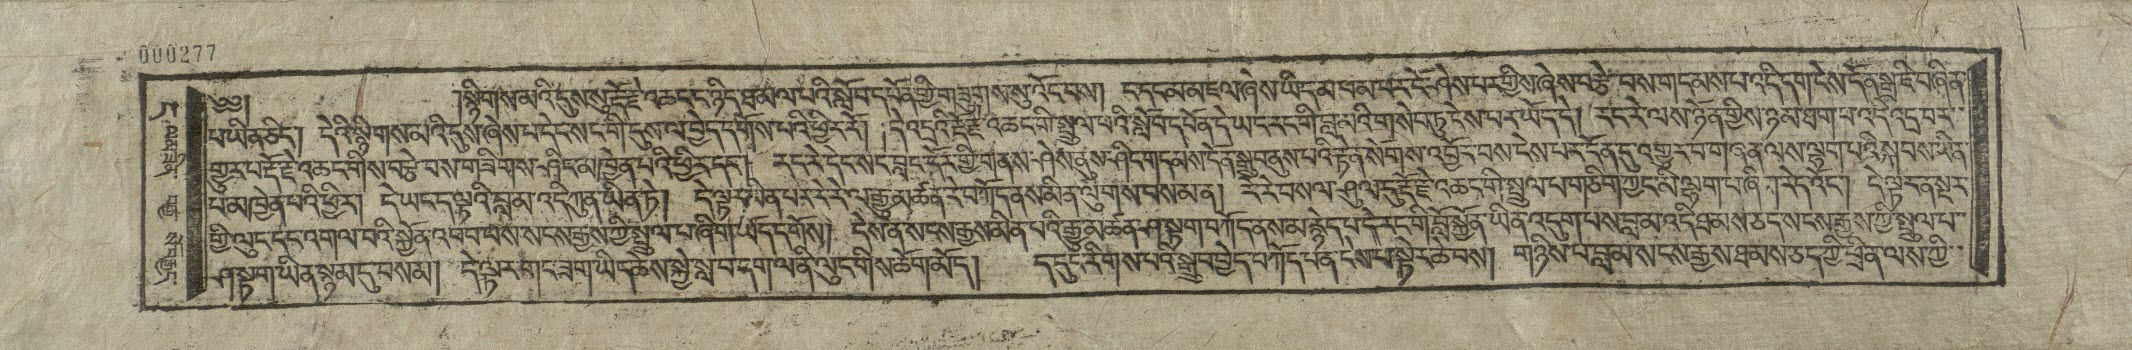༄༅། །སྙིགས་མའི་དུས་སུ་རྡོ་རྗེ་འཆང་ང་ཉིད་ཐ་མལ་པའི་སློབ་དཔོན་གྱི་གཟུགས་སུ་འོང་བས། ང་དང་མ་མཇལ་ཞེས་ཡིད་མ་ཕམ་པར་ངོ་ཤེས་པར་གྱིས་ཞེས་བརྩེ་བས་གདམས་པ་འདི་དག་ངེས་དོན་སྒྲ་ཇི་བཞིན་
པ་ཡིན་ཅིང་། དེའི་སྙིགས་མའི་དུས་ཞེས་པ་དེང་སང་གི་དུས་ལ་བྱེད་དགོས་པའི་ཕྱིར་རེ། །དེ་འདྲའི་རྡོ་རྗེ་འཆང་གི་སྤྲུལ་པའི་སློབ་དཔོན་དེ་ཡང་རང་གི་བླ་མའི་གསེབ་ཏུ་ངེས་པར་ཡོད་དེ། རང་རེ་ལས་ཉོན་གྱིས་ཉམ་ཐག་པ་འདི་འདྲ་བར་
གྱུར་པ་རྡོ་རྗེ་འཆང་གིས་བརྩེ་བས་གཟིགས་ཤིང་མཁྱེན་པའི་ཕྱིར་དང་། རང་རེ་དེང་སང་བླང་དོར་གྱི་གནས་ཤེས་ནུས་ཤིང་གདམས་དོན་སྒྲུབ་ནུས་པའི་རྟེན་སོགས་འབྱོར་བས་ངེས་པར་དོན་དུ་འགྱུར་བ་གཞན་ལས་ལྷག་པའི་སྐབས་ཡིན་
པ་མཁྱེན་པའི་ཕྱིར། དེ་ཡང་ད་ལྟའི་བླ་མ་འདི་ཀུན་ཡིན་ཏེ། དེ་ལྟར་མིན་པར་རེ་རེ་ལ་རྒྱུ་མཚན་རེ་བཀོད་ནས་མིན་ལུགས་བསམ་ན། རེ་རེ་བསལ་ཤུལ་དུ་རྡོ་རྗེ་འཆང་གི་སྤྲུལ་པ་གཅིག་ཀྱང་མི་ལྷག་པ་ཞིག་རེད་འོང་། དེ་ལྟར་ན་སྔར་
གྱི་ལུང་དང་འགལ་བའི་སྐྱོན་འབབ་པས་སངས་རྒྱས་ཀྱི་སྤྲུལ་པ་ཞིག་ཡོད་དགོས། དེས་ན་སངས་རྒྱས་མིན་པའི་རྒྱུ་མཚན་ཤ་སྟག་བཀོད་ནས་མ་རྙེད་པ་དེ་རང་གི་བློ་སྐྱོན་ཡིན་འདུག་པས་བླ་མ་འདི་ཐམས་ཅད་སངས་རྒྱས་ཀྱི་སྤྲུལ་པ་
ཤ་སྟག་ཡིན་སྙམ་དུ་བསམ། དེ་ལྟར་གང་ཟག་ཡིད་ཆེས་སྐྱེ་སླ་བ་དག་ལ་ནི་ལུང་གིས་ཆོག་མོད། ད་དུང་རིགས་པའི་སྒྲུབ་བྱེད་བཀོད་པ་ན་ངེས་པ་སྟེར་ཆེ་བས། གཉིས་པ་བླ་མ་སངས་རྒྱས་ཐམས་ཅད་ཀྱི་ཕྲིན་ལས་ཀྱི་